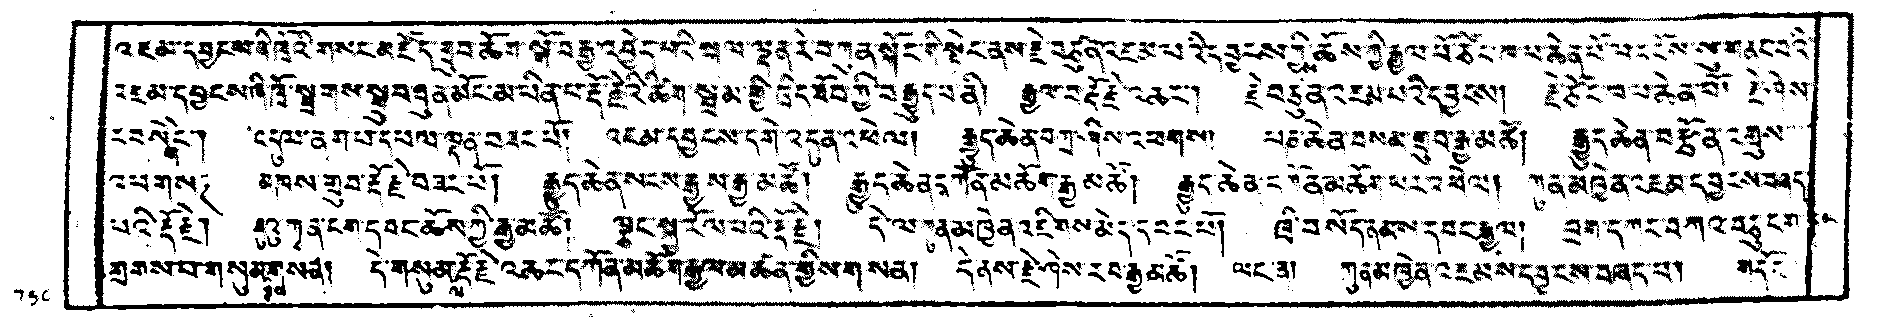འཇམ་དབྱངས་ཞི་ཁྲོའི་གསང་མཛོད་གྲུབ་ཆོག་སྒོ་བརྒྱ་འབྱེད་པའི་སྐལ་ལྡན་རེ་བ་ཀུན་སྐོང་གི་སྟེང་ནས་རྗེ་བཙུན་འཇམ་པའི་དབྱངས་ཀྱིས་ཆོས་ཀྱི་རྒྱལ་པོ་ཙོང་ཁ་པ་ཆེན་པོ་ལ་དངོས་སུ་གནང་བའི་
འཇམ་དབྱངས་ཞི་ཁྲོ་སྦྲགས་སྒྲུབ་ཐུན་མོང་མ་ཡིན་པ་རྡོ་རྗེའི་ཚིག་སྦྲམ་གྱི་ཁྲིད་ཐོབ་ཀྱི་བརྒྱུད་པ་ནི། རྒྱལ་བ་རྡོ་རྗེ་འཆང་། རྗེ་བཙུན་འཇམ་པའི་དབྱངས། རྗེ་ཙོང་ཁ་པ་ཆེན་པོ། རྗེ་ཤེས་
རབ་སེངྒེ། འདུལ་ནག་པ་དཔལ་ལྡན་བཟང་པོ། འཇམ་དབྱངས་དགེ་འདུན་འཕེལ། རྒྱུད་ཆེན་བཀྲ་ཤིས་འཕགས། པཎ་ཆེན་བསམ་གྲུབ་རྒྱ་མཚོ། རྒྱུད་ཆེན་བརྩོན་འགྲུས་
འཕགས༑ མཁས་གྲུབ་རྡོ་རྗེ་བཟང་པོ། རྒྱུད་ཆེན་སངས་རྒྱས་རྒྱ་མཚོ། རྒྱུད་ཆེན་དཀོན་མཆོག་རྒྱ་མཚོ། རྒྱུད་ཆེན་དཀོན་མཆོག་ཡར་འཕེལ། ཀུན་མཁྱེན་འཇམ་དབྱངས་བཞད་
པའི་རྡོ་རྗེ། ཐུའུ་ཀྭན་ངག་དབང་ཆོས་ཀྱི་རྒྱ་མཚོ། ལྕང་སྐྱ་རོལ་པའི་རྡོ་རྗེ། དེ་ལ་ཀུན་མཁྱེན་འཇིགས་མེད་དབང་པོ། ཁྲི་བསོད་ནམས་དབང་རྒྱལ། བྲག་དཀར་བཀའ་བཅུ་ངག་དབང་
གྲགས་པ་གསུམ་གྱིས་གསན། དེ་གསུམ་ལ་རྡོ་རྗེ་འཆང་དཀོན་མཆོག་རྒྱལ་མཚན་གྱིས་གསན། དེ་ནས་རྗེ་ཤེས་རབ་རྒྱ་མཚོ། ཡང་ན། ཀུན་མཁྱེན་འཇམས་དབྱངས་བཞད་ཕ། གདོང་